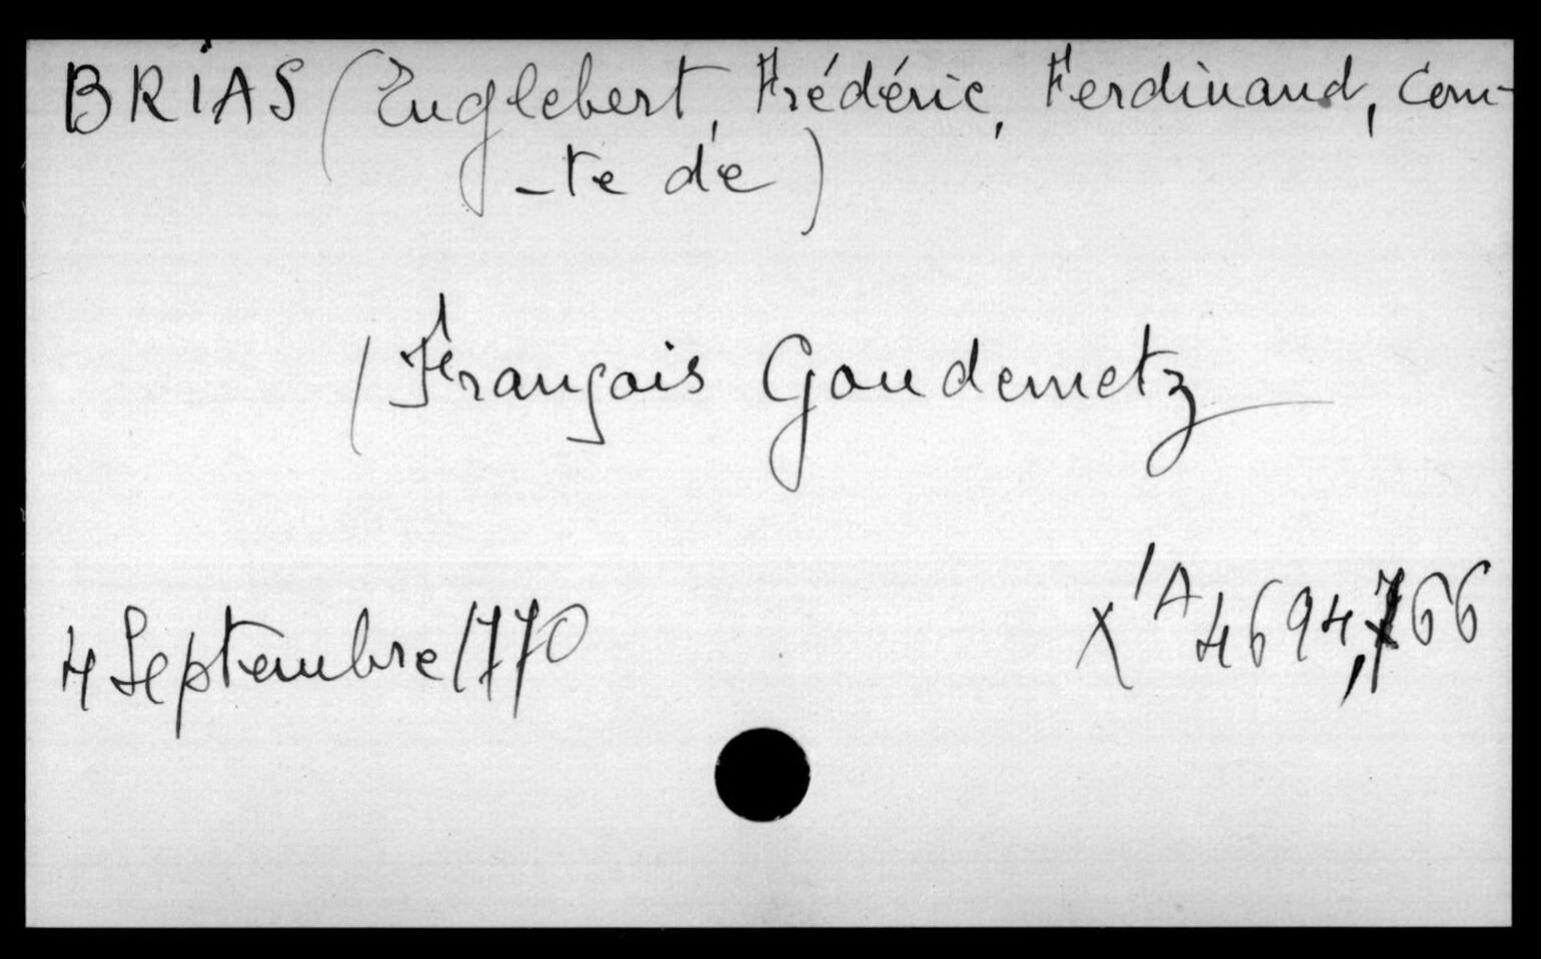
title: BRIAS (Euglebert, Frédéric, Ferdinand, comte de)
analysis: Contre François Goudemetz
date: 4 septembre 1770
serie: X1A
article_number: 4694
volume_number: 766
